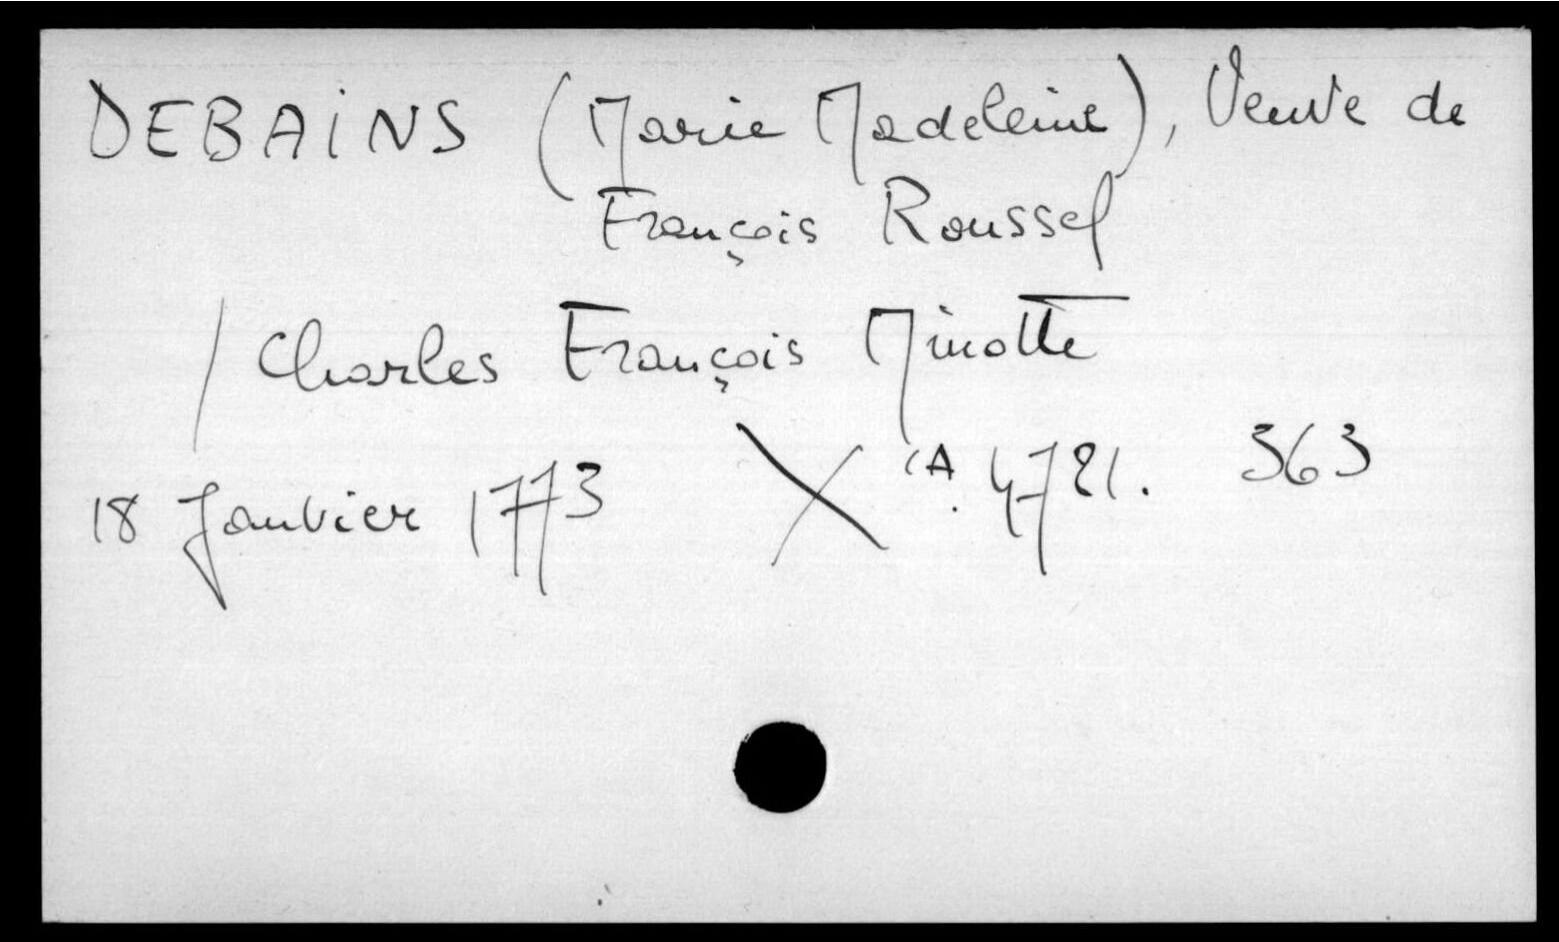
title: DEBAINS (Marie Madeleine), Veuve de François Roussel
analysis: Contre Charles François Minotte
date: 18 janvier 1773
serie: X1A
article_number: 4721
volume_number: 363
